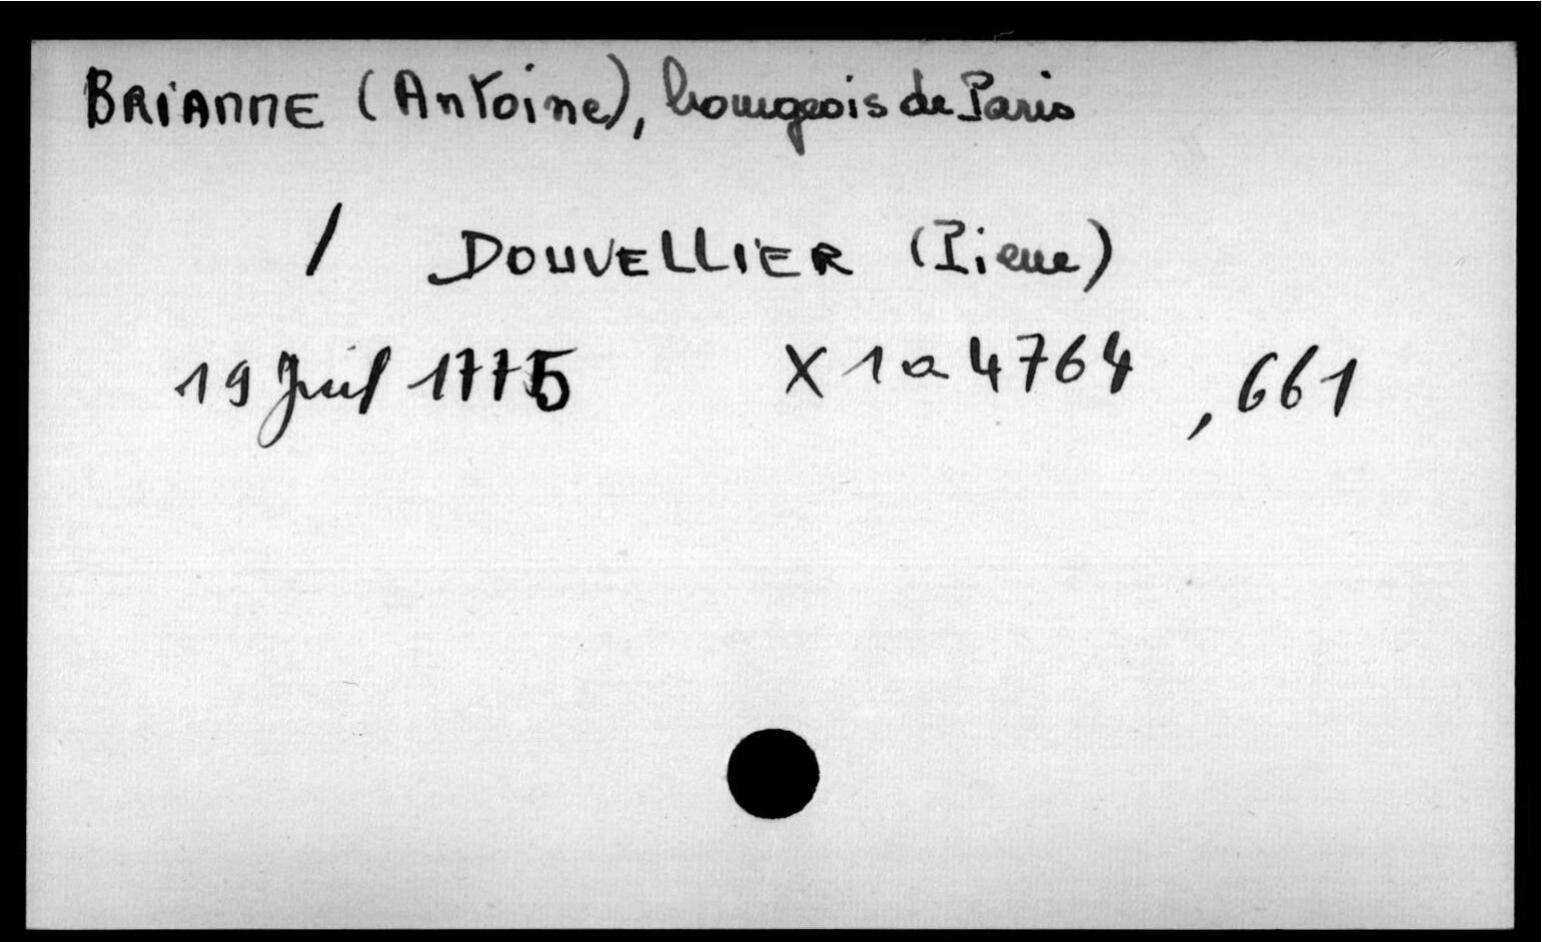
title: BRIANNE (Antoine), bourgeois de Paris
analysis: Contre DOUVELLIER (Pierre)
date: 19 juillet 1775
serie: X1a
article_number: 4764
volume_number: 661
